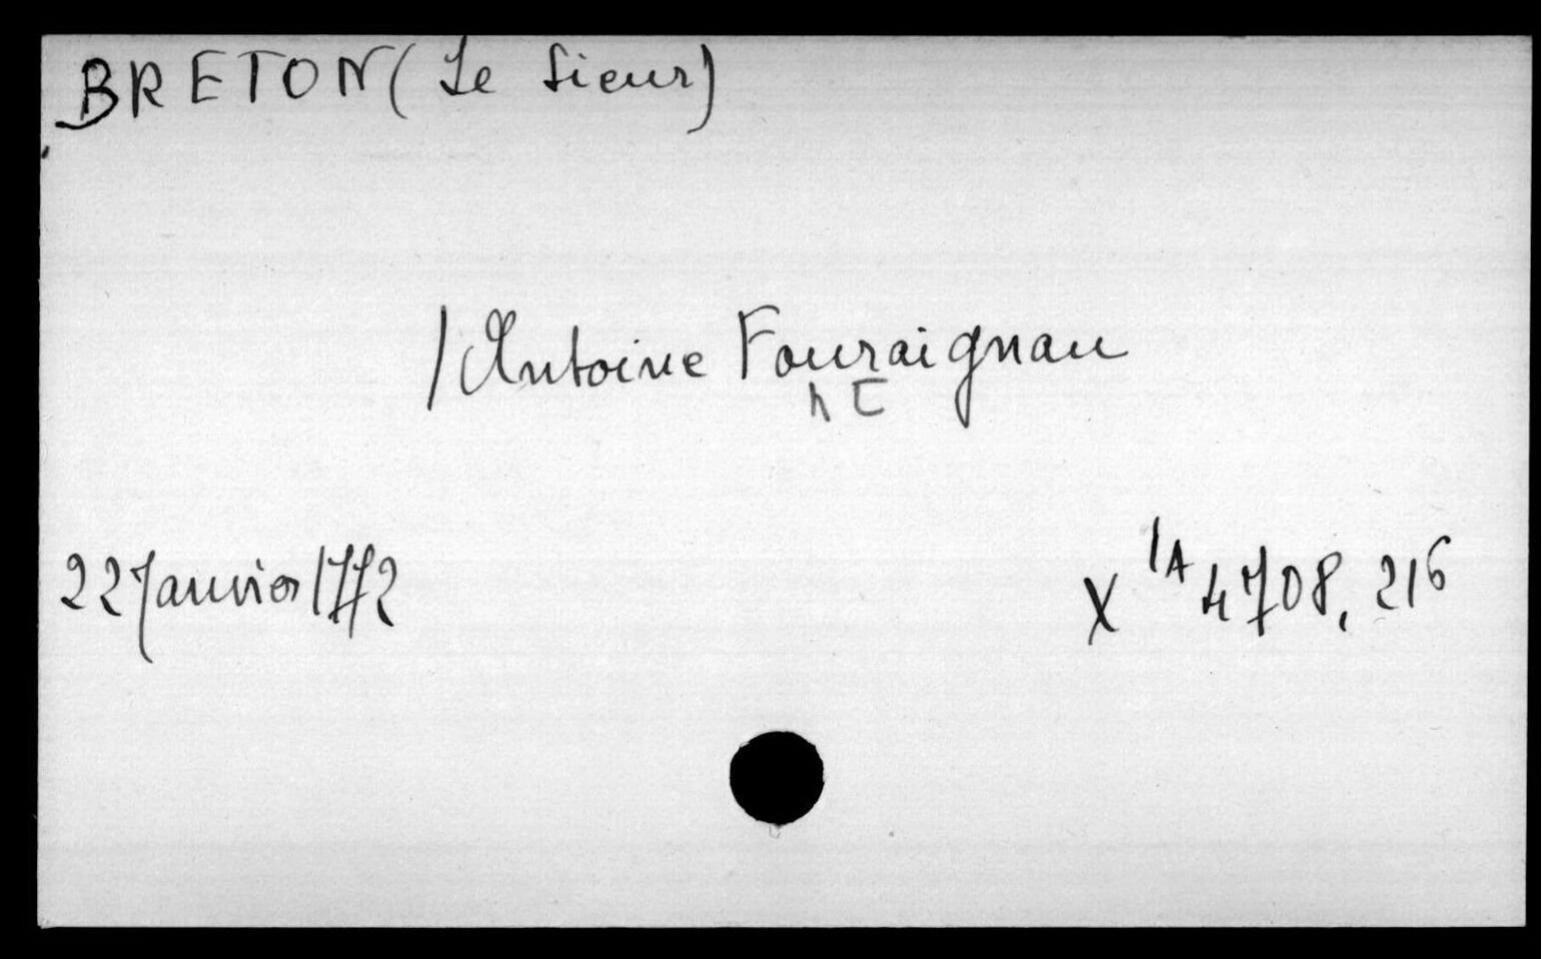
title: BRETON (Je sieur)
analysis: Contre Antoine Fouraignau
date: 22 janvier 1772
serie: X1A
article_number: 4708
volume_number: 216
